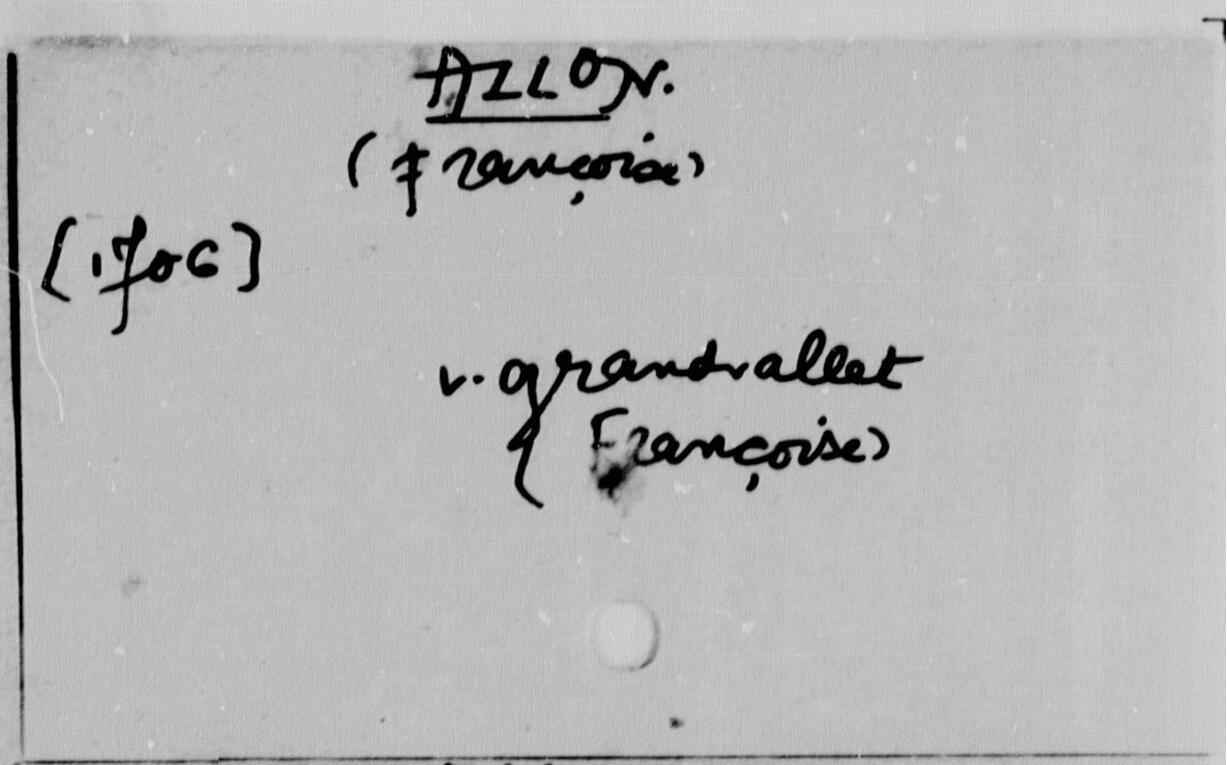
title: ALLON (Françoise)
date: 1706
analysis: Voir GRANDVALLET (Françoise)
